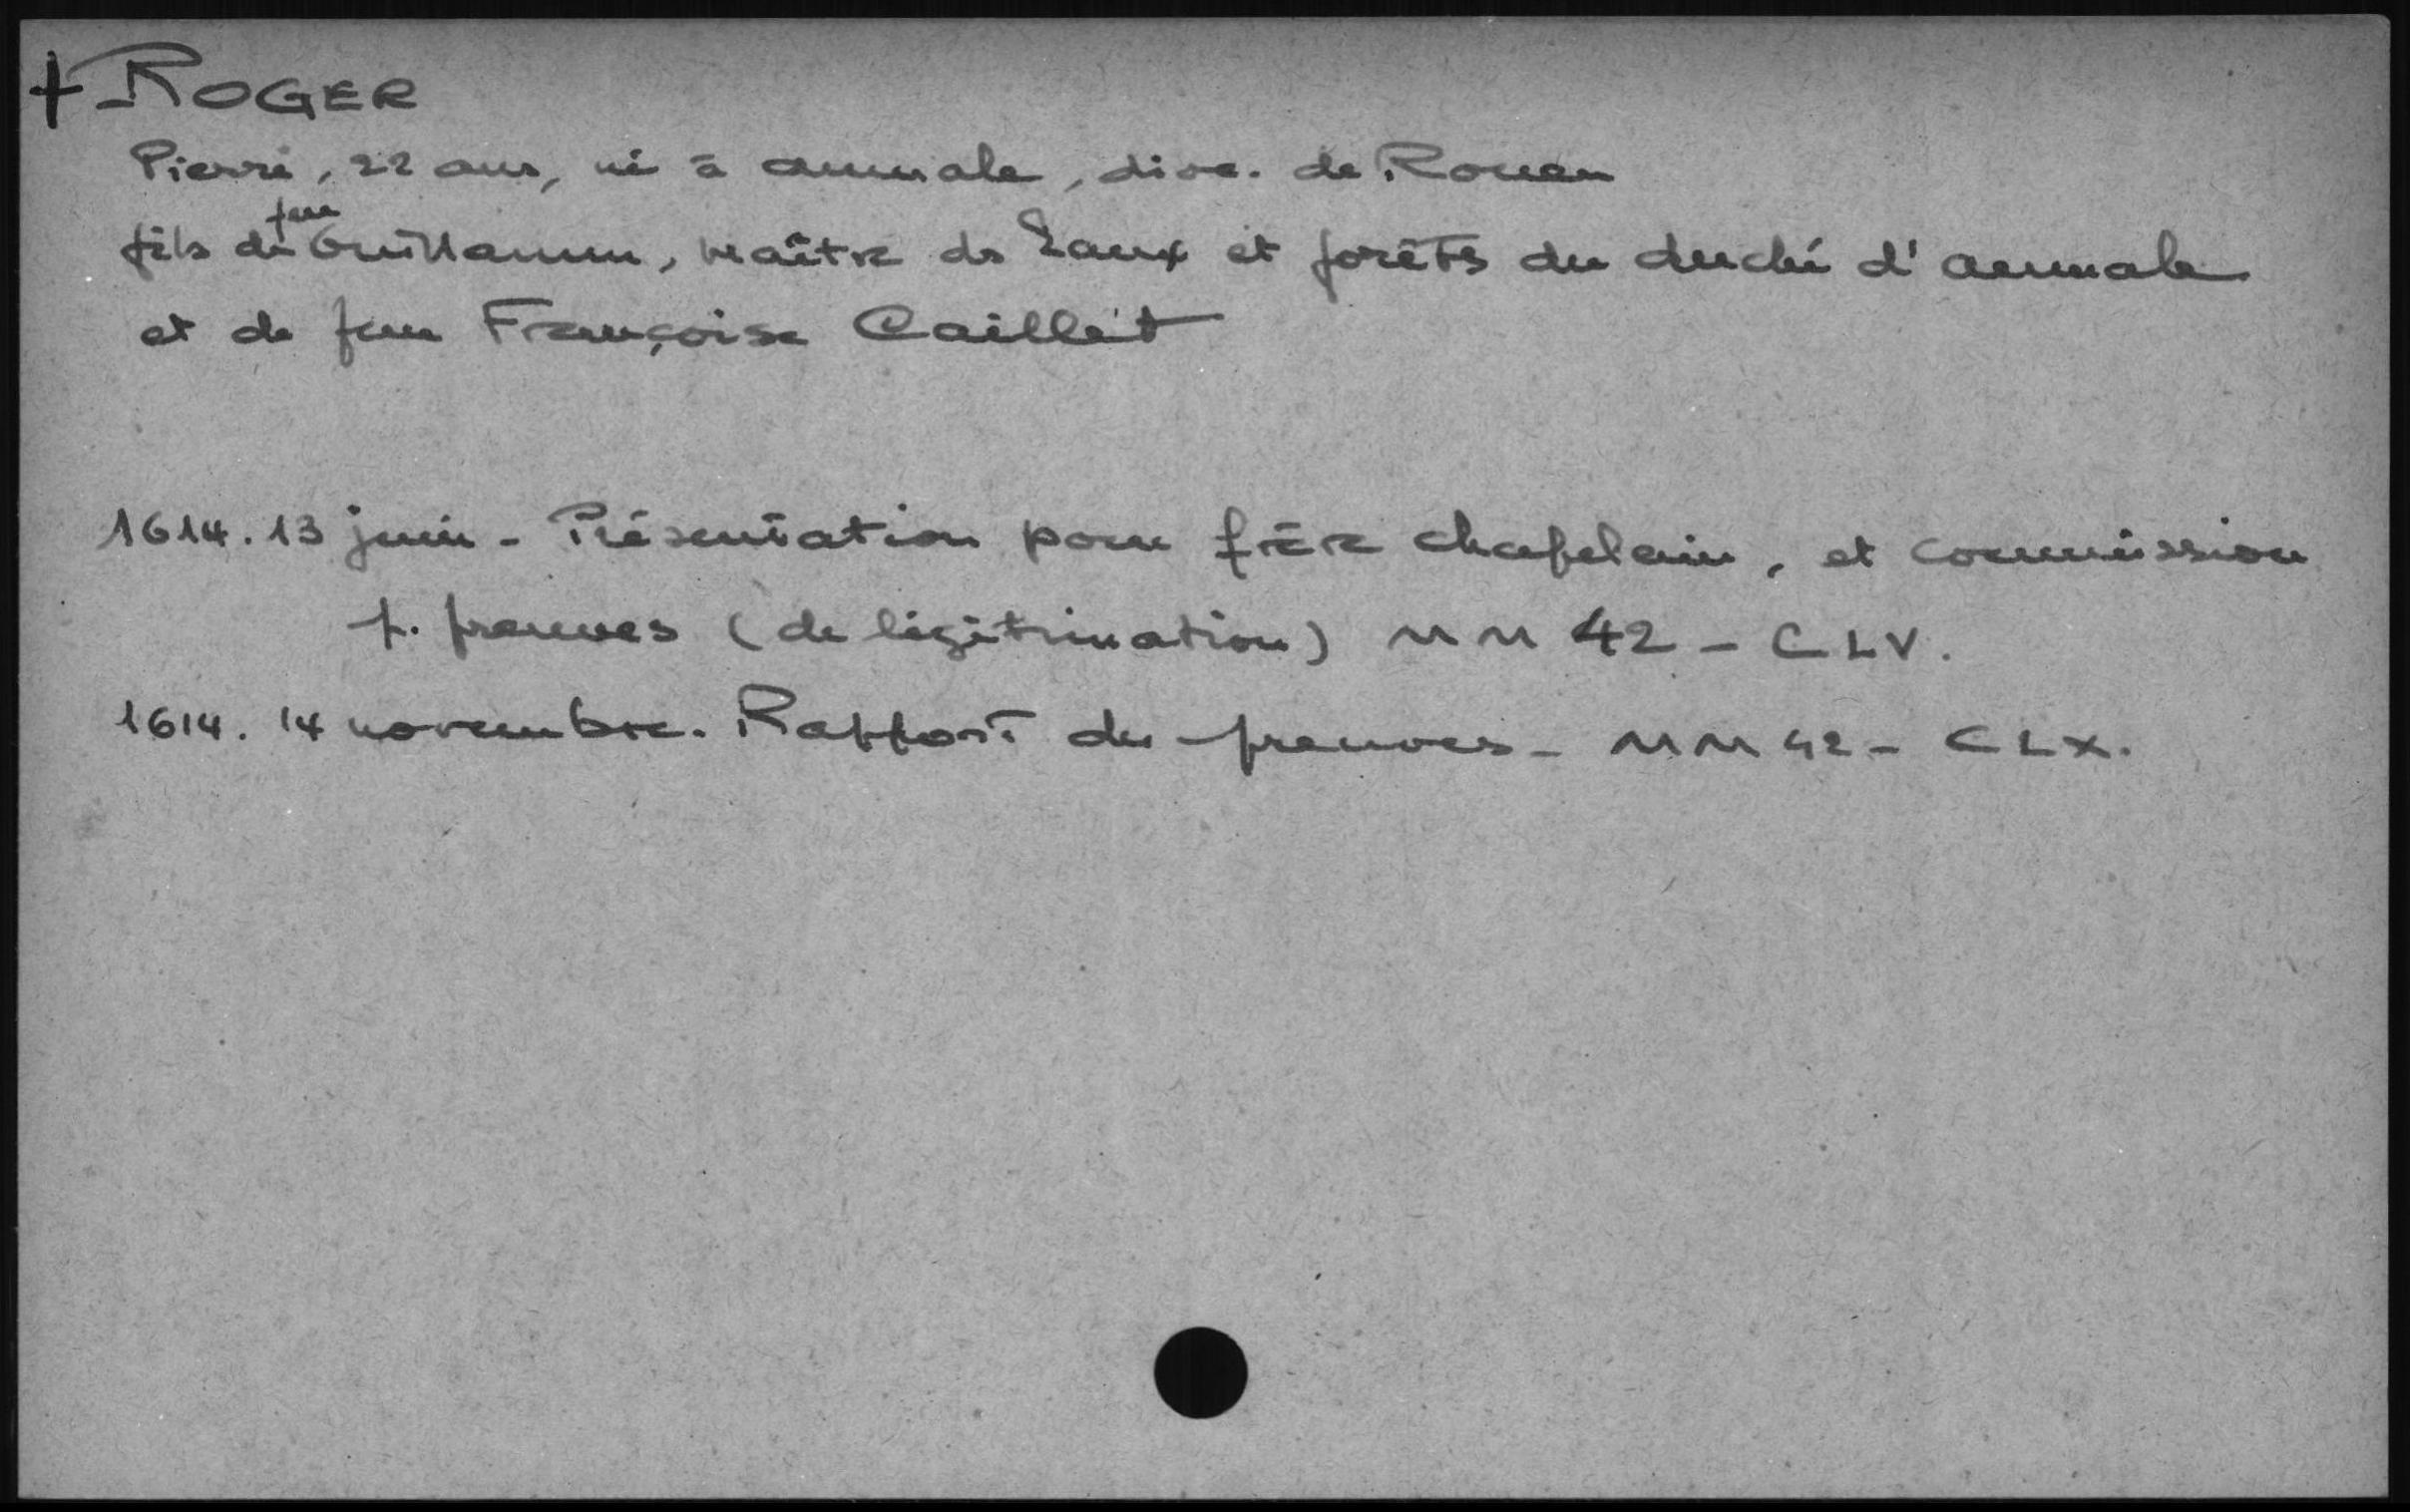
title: + ROGER Pierre, 28 ans, né à Aumale, diocèse de Rouen fils de feu Guillaume, maître des Eaux et Forêts du duché d'Aumale et de feu Françoise Caillet
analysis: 1614, 13 juin. Présentation pour frère chapelain, et commission pour preuves (de légitimation) MM 42. CLV 1614, 14 novembre. Rapport des preuves. MM 42. CLX
